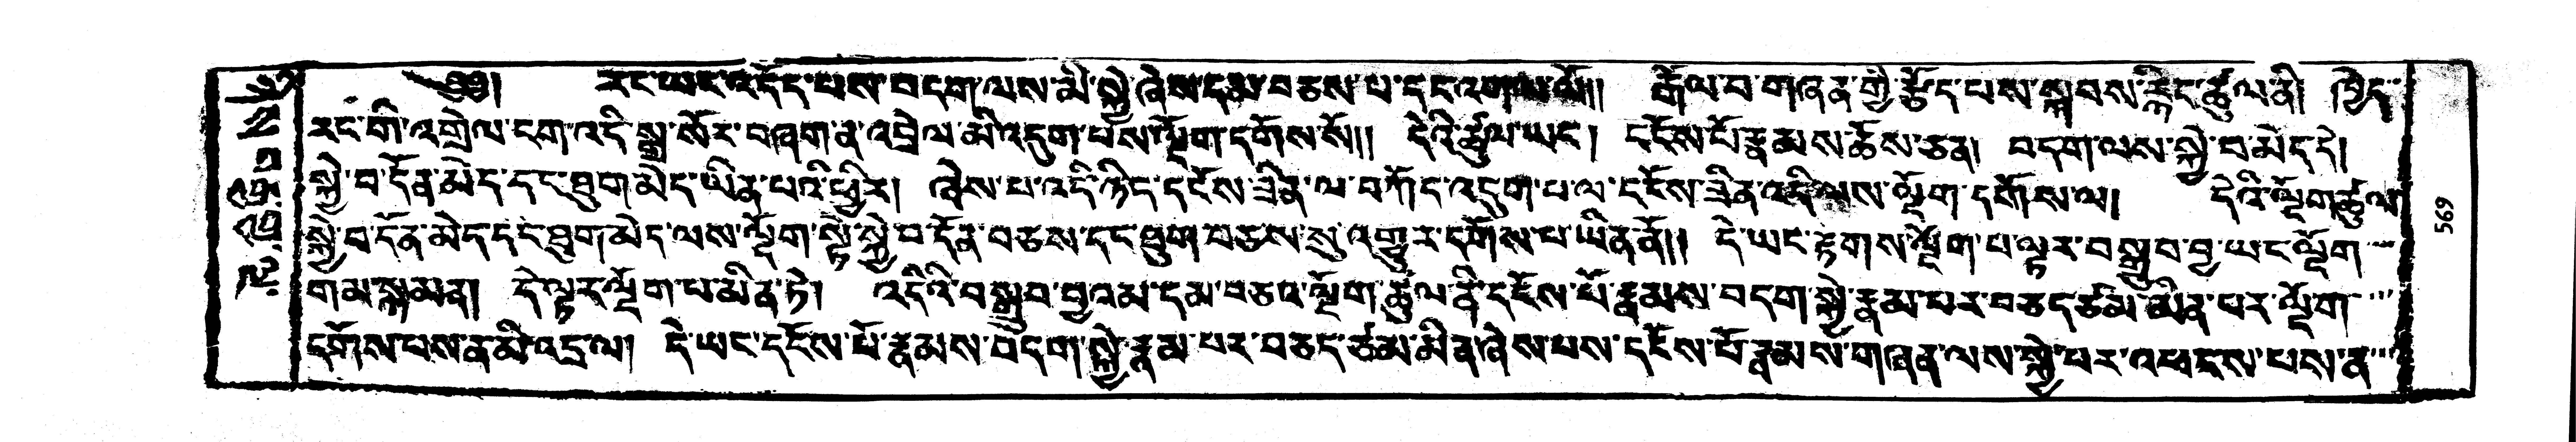༄༅། །རང་ཡང་འདོད་པས་བདག་ལས་མི་སྐྱེ་ཞེས་དམ་བཅས་པ་དང་འགལ་ལོ། །རྒོལ་བ་གཞན་གྱི་རྩོད་པས་སྐབས་རྙིང་ཚུལ་ནི། ཁྱེད་
རང་གི་འགྲེལ་དག་འདི་སྒྲ་སོར་བཞག་ན་འབྲེལ་མི་འདུག་པས་ལྡོག་དགོས་སོ། །དེའི་ཚུལ་ཡང་། དངོས་པོ་རྣམས་ཆོས་ཅན། བདག་ལས་སྐྱེ་བ་མེད་དེ།
སྐྱེ་བ་དོན་མེད་དང་ཐུག་མེད་ཡིན་པའི་ཕྱིར། ཞེས་པ་འདི་ཉིད་དངོས་ཟིན་ལ་བཀོད་འདུག་པ་ལ་དངོས་ཟིན་འདི་ལས་ལྡོག་དགོས་ལ། དེའི་ལྡོག་ཚུལ་
སྐྱེ་བ་དོན་མེད་དང་ཐུག་མེད་ལས་ལྡོག་སྟེ་སྐྱེ་བ་དོན་བཅས་དང་ཐུག་བཅས་སུ་འགྱུར་དགོས་པ་ཡིན་ནོ། །དེ་ཡང་རྟགས་ལྡོག་པ་ལྟར་བསྒྲུབ་བྱ་ཡང་ལྡོག་
གམ་སྙམ་ན། དེ་ལྟར་ལྡོག་པ་མིན་ཏེ། འདིའི་བསྒྲུབ་བྱའམ་དམ་བཅའ་ལྡོག་ཚུལ་ནི་དངོས་པོ་རྣམས་བདག་སྐྱེ་རྣམ་པར་བཅད་ཙམ་མིན་པར་ལྡོག་
དགོས་པས་ན་མི་འདྲ་ལ། དེ་ཡང་དངོས་པོ་རྣམས་བདག་སྐྱེ་རྣམ་པར་བཅད་ཙམ་མིན་ཞེས་པས་དངོས་པོ་རྣམས་གཞན་ལས་སྐྱེ་པར་འཕངས་པས་ན་